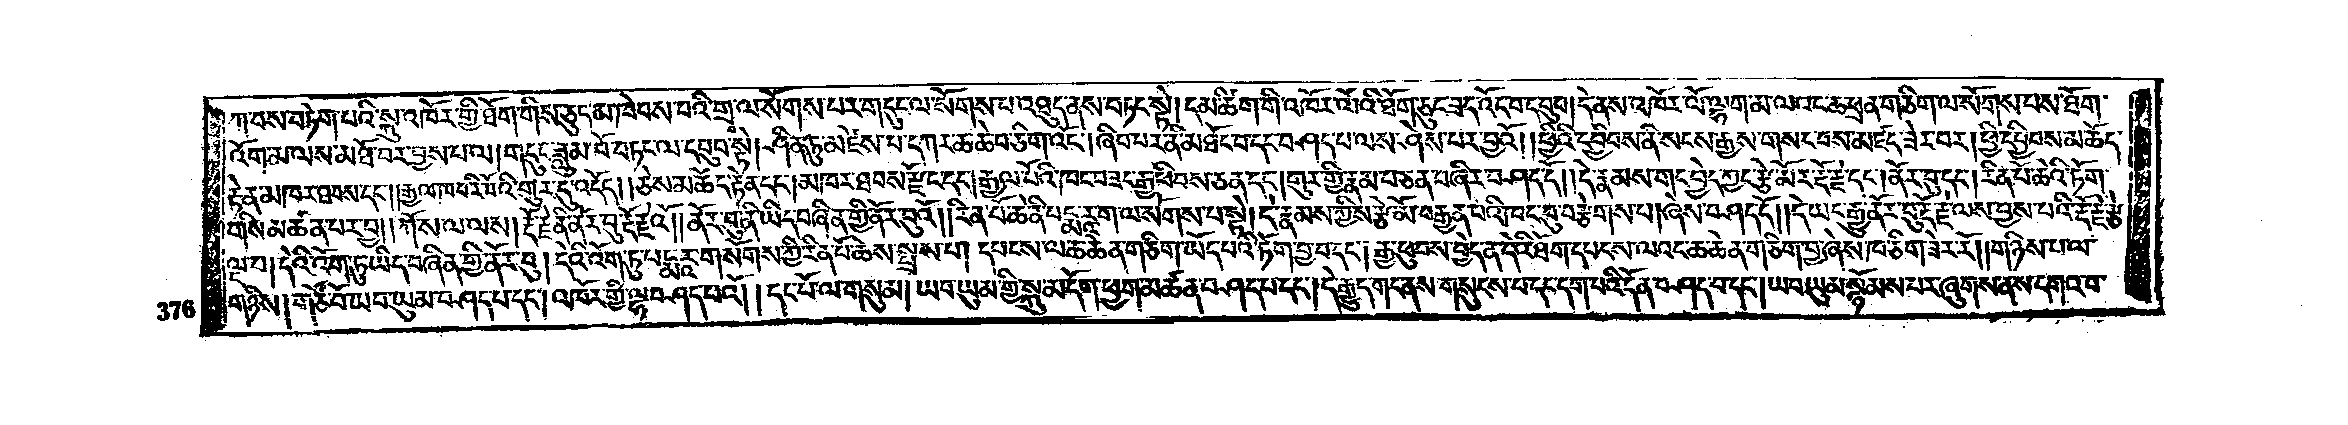ཀ་བས་བཏེག་པའི་སྐུ་འཁོར་གྱི་ཐོག་གིས་ཅུང་མ་ཁེབས་པའི་གྲྭ་ལ་སོགས་པར་གདུང་ལ་སོགས་པ་འཐུད་ནས་བཏང་སྟེ། དམ་ཚིག་གི་འཁོར་ལོའི་ཐོག་ཅུང་ཟད་འོད་བ་དབུབ། དེ་ནས་འཁོར་ལོ་ལྷག་མ་ལའང་ཆ་ཕྲན་གཅིག་ལ་སོགས་པས་ཐོག་
འོག་མ་ལས་མཐོ་བར་བྱས་པ་ལ། གདུང་ཟླུམ་པོ་བཏང་ལ་དབུབ་སྟེ། ཤིན་ཏུ་མཛེས་པ་དཀར་ཆ་ཆེ་བ་ཅིག་འོང་། ཞིབ་པར་ནི་མཐོང་བ་དང་བཤད་པ་ལས་ཤེས་པར་བྱའོ། །ཕྱིའི་དབྱིབས་ནི་སངས་རྒྱས་གསང་བས་མཛད་ཟེར་བར། ཕྱི་དབྱིབས་མཆོད་
རྟེན་མཁར་ཐབས་དང་། །རྒྱལ་ཁབ་རི་བོའི་གུར་དུ་འདོད། །ཅེས་མཆོད་རྟེན་དང་། མཁར་ཐབས་རྫོང་དང་། རྒྱལ་པོའི་ཁང་བཟང་རྒྱ་ཕིབས་ཅན་དང་། གུར་གྱི་རྣམ་པ་ཅན་བཞིར་བཤད་དོ། །དེ་རྣམས་གང་བྱེད་ཀྱང་རྩེ་མོར་རྡོ་རྗེ་དང་། ནོར་བུ་དང་། རིན་པོ་ཆེའི་ཐོག་
གིས་མཚན་པར་བྱ། །ཀོ་ས་ལ་ལས། རྡོ་རྗེ་ནི་ནོར་བུ་རྡོ་རྗེའོ། །ནོར་བུ་ནི་ཡིད་བཞིན་གྱི་ནོར་བུའོ། །རིན་པོ་ཆེ་ནི་པདམ་རཱ་ག་ལ་སོགས་པ་སྟེ། དེ་རྣམས་ཀྱིས་རྩེ་མོ་བརྒྱན་པའི་ཁང་བུ་བརྩེགས་པ། ཞེས་བཤད་དོ། །དེ་ཡང་རྒྱུ་ནོར་བུ་རྡོ་རྗེ་ལས་བྱས་པའི་རྡོ་རྗེ་རྩེ་
ལྔ་པ། དེའི་འོག་ཏུ་ཡིད་བཞིན་གྱི་ནོར་བུ། དེའི་འོག་ཏུ་པདམ་རཱ་ག་སོགས་ཀྱི་རིན་པོ་ཆེས་སྤྲས་པ། དཔངས་ལ་ཆ་ཆེན་གཅིག་ཡོད་པའི་ཏོག་བྱ་བ་དང་། རྒྱ་ཕུབས་བྱེད་ན་དེའི་ཐོག་དཔངས་ལའང་ཆ་ཆེན་གཅིག་བྱ་ཞེས་ཁ་ཅིག་ཟེར་རོ། །གཉིས་པ་ལ་
གཉིས། གཙོ་བོ་ཡབ་ཡུམ་བཤད་པ་དང་། འཁོར་གྱི་ལྷ་བཤད་པའོ། །དང་པོ་ལ་གསུམ། ཡབ་ཡུམ་གྱི་སྐུ་མདོག་ཕྱག་མཚན་བཤད་པ་དང་། དེ་རྒྱུད་གང་ནས་གསུངས་པ་དང་དག་པའི་དོན་བཤད་པ་དང་། ཡབ་ཡུམ་སྙོམས་པར་ཞུགས་ནས་དགའ་བ་